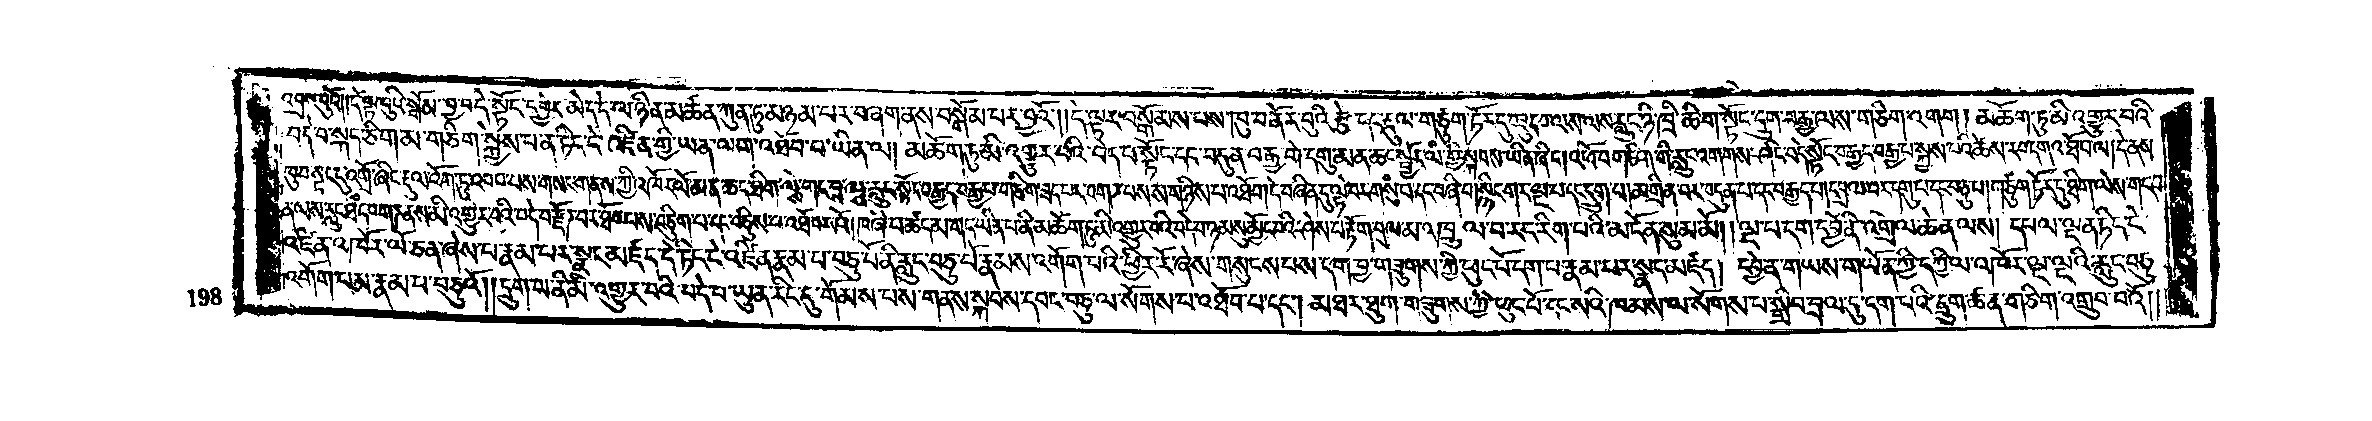འབྲས་བུའོ། །དེ་ལྟ་བུའི་སྒོམ་བྱ་བདེ་སྟོང་དབྱེར་མེད་དེ་ལ་ཉིན་མཚན་ཀུན་ཏུ་མཉམ་པར་བཞག་ནས་བསྒོམ་པར་བྱའོ། །དེ་ལྟར་བསྒོམས་པས་ཁུ་བ་ནོར་བུའི་རྩེ་དང་རྡུལ་གཙུག་ཏོར་དུ་བཟུང་བ་ལས་ལས་རླུང་ཉི་ཁྲི་ཆིག་སྟོང་དྲུག་བརྒྱ་ལས་གཅིག་འགག །མཆོག་ཏུ་མི་འགྱུར་བའི་
བདེ་བ་སྐད་ཅིག་མ་གཅིག་སྐྱེས་པ་ན་ཏིང་ངེ་འཛིན་གྱི་ཡན་ལག་འཐོབ་པ་ཡིན་ལ། མཆོག་ཏུ་མི་འགྱུར་བའི་བདེ་བ་སྟོང་དང་བདུན་བརྒྱ་གེ་དགུ་མན་ཆད་སྦྱོར་ལམ་གྱི་སྐབས་ཡིན་ཞིང་། འཕོ་བ་གཅིག་གི་རླུང་འགགས་ཤིང་བདེ་སྟོང་བརྒྱད་བརྒྱ་པ་སྐྱས་པའི་ཚེས་རབ་དགའ་ཐོབ་ལ། དེ་ནས་
ཁུབ་སྟང་དུ་འགྲོ་ཞིང་རྡུལ་འོག་ཏུ་འབབ་པས་གསང་གནས་ཀྱི་འཁོར་ལོ་མན་ཆད་ཐིག་ལེས་གང་བ་ལས?་རླུང་སྟོང་བརྒྱད་བརྒྱ་པ་གཅིག་ཟད་པར་འགགས་པས་ས་གཉིས་པ་འཐོག་དེ་བཞིན་དུ་ལྟེ་བར་གསུམ་པ་དང་བཞི་པ། སྙིང་གར་ལྔ་པ་དང་དྲུག་པ། མགྲིན་པར་བདུན་པ་དང་བརྒྱད་པ། དཔྲལ་བར་དགུ་པ་དང་བཅུ་པ། གཙུག་ཏོར་དུ་ཐིག་ལེས་གང་བ་
ན་ལས་རླུང་ཐམས་ཅད་འགགས་ནས་མི་འགྱུར་བའི་བདེ་བ་རྫོགས་པར་ཐོབ་པས་བཅུ་གཅིག་པ་དང་བཅུ་གཉིས་པ་འཐོབ་པའོ། །བཞི་པ་ཚད་མ་གང་ཡིན་པ་ནི་མཆོག་ཏུ་མི་འགྱུར་བའི་བདེ་བ་ཉམས་སུ་མྱོང་བའི་ཤེས་པ་རྟོག་བྲལ་མ་འཁྲུལ་བ་ལ་རང་རིག་པའི་མངོན་སུམ་མོ། །ལྔ་པ་དག་དབྱེ་ནི་འགྲེལ་ཆེན་ལས། དཔལ་ལྡན་ཏིང་ངེ་
འཛིན་འཁོར་ལོ་ཅན་ཞེས་པ་རྣམ་པར་སྣང་མཛད་དེ་ཏིང་ངེ་འཛིན་རྣམ་པ་བཅུ་པོ་ནི་རླུང་བཅུ་པོ་རྣམས་འགོག་པའི་ཕྱིར་རོ་ཞེས་གསུངས་པས་དག་བྱ་གཟུགས་ཀྱི་ཕུང་པོ་དག་པ་རྣམ་པར་སྣང་མཛད། དབྱེ་ན་གཡས་གཡོན་གྱི་དཀྱིལ་འཁོར་ལྔ་ལྔའི་རླུང་བཅུ་
འགོག་པ་ལ?་རྣམ་པ་བཅུའོ། །དྲུག་ལ་ནི་མི་འགྱུར་བའི་བདེ་བ་ཡུན་རིང་དུ་གོམས་པས་གནས་སྐབས་དབང་བཅུ་ལ་སོགས་པ་འཐོབ་པ་དང་། མཐར་ཐུག་གཟུགས་ཀྱི་ཕུང་པོ་དང་སའི་ཁམས་ལ་སོགས་པ་སྒྲིབ་བྲལ་དུ་དག་པའི་དྲུག་ཚན་གཅིག་འགྲུབ་པའོ། །